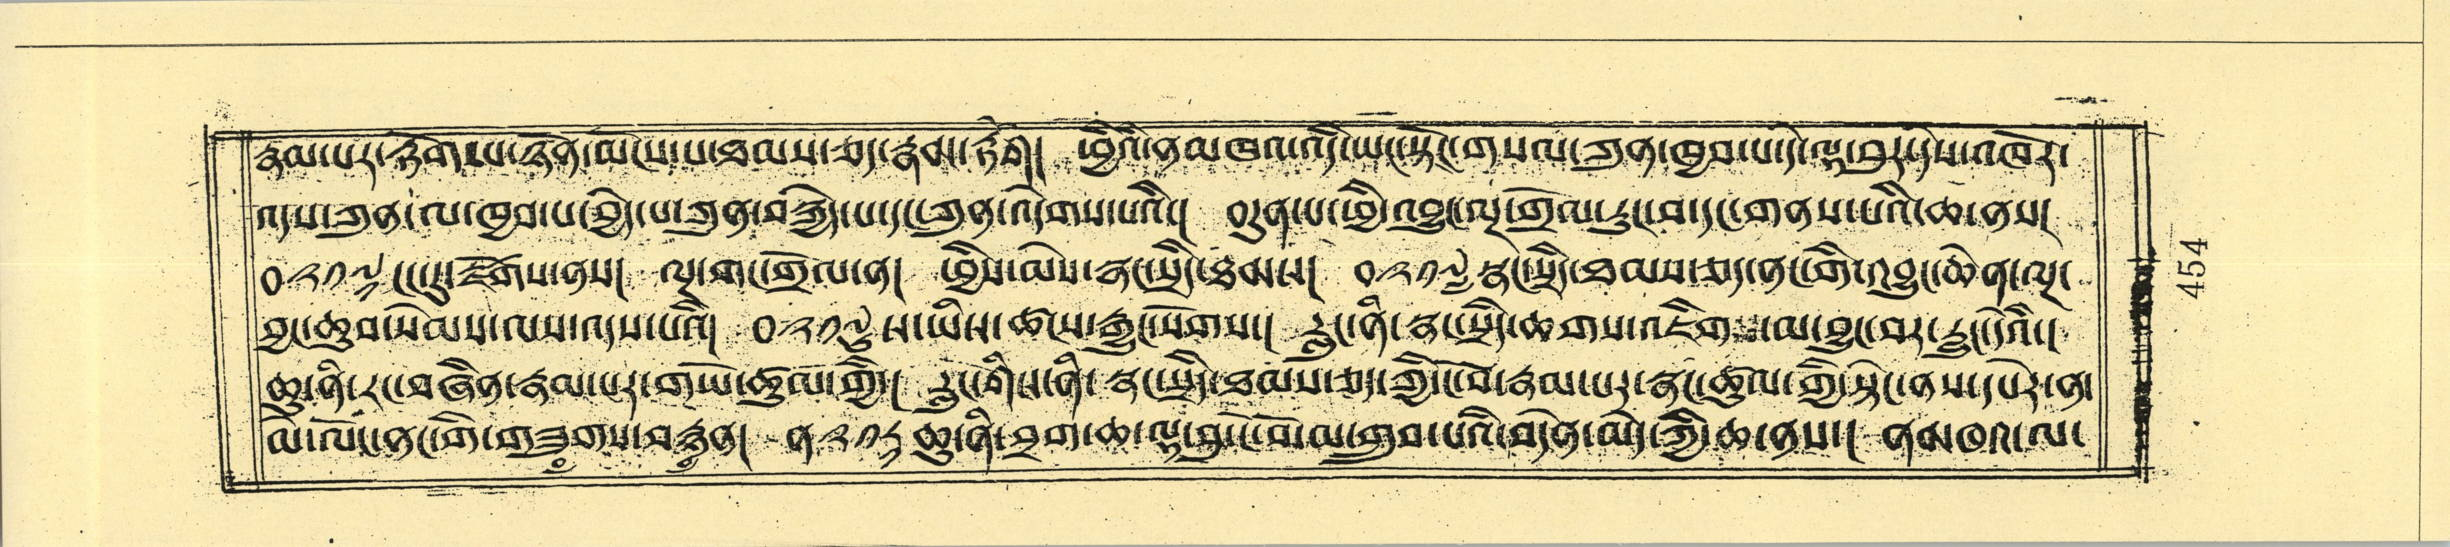རྣམ་པར་རྟོག་པ་ཉོན་མོངས་པ་ཐམས་ཅད་༼རྣམ་རྟོག༽ཕྱིའི་ནམ་མཁའ་འདི་ཡང་སྟོང་གསལ་ཀུན་ཁྱབ་པ་དེ་ལྟ་བུར་དེས་འཁོར་
འདས་ཀུན་ལ་ཁྱབ་པ་བྱེད་པ་ཀུན་བསྐྱེད་པ་དང་ཀུན་འདེགས་པའི་༼བདུན་པ་༽ཕྱི་འབྱུང་ལྔ་གྲོལ་རུང་བ་དང་གནས་པའི་ཆ་ནས་
བ་༢༡༧།༡ངང་དུ་རྫོགས་ནས་ལྔ་གང་གྲོལ་ན། ཕྱིས་མིས་སྣང་སྲིད་༼ཐམས༽བ༢༡༧།༤སྣང་སྲིད་ཐམས་ཅད་ནང་གི་༼འབྱུང་ཆེན་ལྔ༽
བྱང་ཆུབ་སེམས་ལས་འདས་པའི་བ༢༡༧།༦༼ས་ཡིས༽ཚངས་རྒྱུ་སོགས་༼རླུང་ནི༽སྣང་སྲིད་ཆག་འཇིག་མ་བྱུང་བར་བར་རླུང་དེའི་
༼ཆུ་ནི༽རང་བཞིན་རྣམ་པར་གཡོ་ཚུལ་གྱི་༼རླུང་གིས་ནི༽སྣང་སྲིད་ཐམས་ཅད་ཀྱི་ངོ་བོ་རྣམ་པར་སྣང་ཚུལ་གྱི་སྟེང་ནས་དཔེར་ན་
མེ་ལོང་ནང་གི་གཟུགས་བརྙན་ན༢༡༨།༡༼ཆུ་ནི༽བྲག་ཆ་ལྟ་བུ་ངོ་བོ་མ་གྲུབ་པའི་བདེན་མེད་ཀྱི་ཆ་ནས་༼ནམ་མཁའ་ལ༽